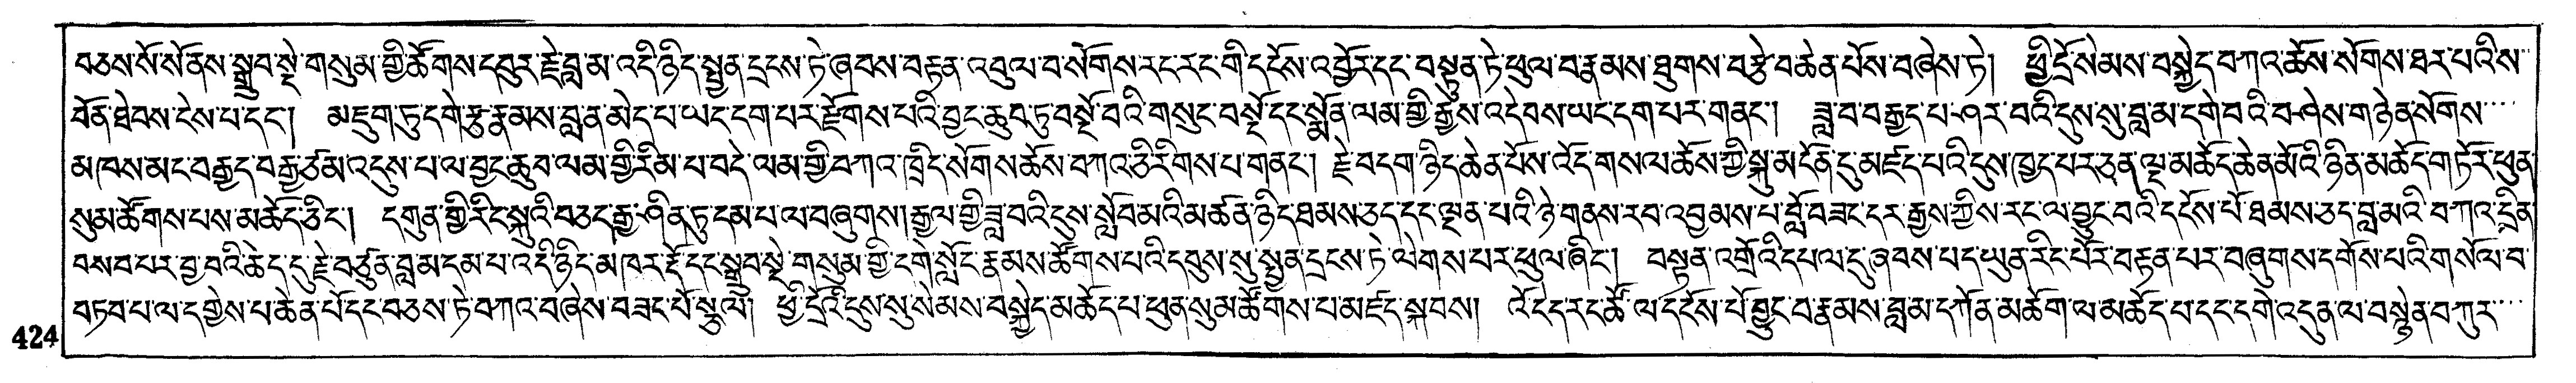བཅས་སོ་སོ་ནས་སྒྲུབ་སྡེ་གསུམ་གྱི་ཚོགས་དབུར་རྗེ་བླ་མ་འདི་ཉིད་སྦྱན་དྲངས་ཏེ་ཞབས་བརྟན་འབུལ་བ་སོགས་རང་རང་གི་དངོས་འབྱོར་དང་བསྟུན་ཏེ་ཕུལ་བ་རྣམས་ཐུགས་བརྩེ་བ་ཆེན་པོས་བཞེས་ཏེ། ཕྱི་དྲོ་སེམས་བསྐྱེད་བཀའ་ཆོས་སོགས་ཐར་པའི་ས་
བོན་ཐེབས་ངེས་པ་དང་། མཇུག་ཏུ་དགེ་རྩ་རྣམས་བླ་ན་མེད་པ་ཡང་དག་བར་རྫོགས་པའི་བྱང་ཆུབ་ཏུ་བསྔོ་བའི་གསུང་བསྔོ་དང་སྨོན་ལམ་གྱི་རྒྱས་འདེབས་ཡང་དག་པར་གནང་། ཟླ་བ་བརྒྱད་པ་ཤར་བའི་དུས་སུ་བླ་མ་དགེ་བའི་བཤེས་གཉེན་སོགས་
མཁས་མང་བརྒྱད་བརྒྱ་ཙམ་འདུས་པ་ལ་བྱང་ཆུབ་ལམ་གྱི་རིམ་པ་བདེ་ལམ་གྱི་བཀའ་ཁྲིད་སོགས་ཆོས་བཀའ་ཅི་རིགས་པ་གནང་། རྗེ་བདག་ཉིད་ཆེན་པོས་འོད་གསལ་ཆོས་ཀྱི་སྐུ་མངོན་དུ་མཛད་པའི་དུས་ཁྱད་པར་ཅན་ལྔ་མཆོད་ཆེན་མོའི་ཉིན་མཆོད་གཏོར་ཕུན་
སུམ་ཚོགས་པས་མཆོད་ཅིང་། དགུན་གྱི་རིང་སྐུའི་བཅད་རྒྱ་ཤིན་ཏུ་དམ་པ་ལ་བཞུགས། རྒྱལ་གྱི་ཟླ་བའི་དུས་སློབ་མའི་མཚན་ཉིད་ཐམས་ཅད་དང་ལྡན་པའི་ཉེ་གནས་རབ་འབྱམས་པ་བློ་བཟང་དར་རྒྱས་ཀྱིས་རང་ལ་བྱུང་བའི་དངོས་པོ་ཐམས་ཅད་བླ་མའི་བཀའ་དྲིན་
བསབ་པར་བྱ་བའི་ཆད་དུ་རྗེ་བཙུན་བླ་མ་དམ་པ་འདི་ཉིད་མཁར་རྡོ་དང་སྒྲུབ་སྡེ་གསུམ་གྱི་དགེ་སློང་རྣམས་ཚོགས་པའི་དབུས་སུ་སྤྱན་དྲངས་ཏེ་ལེགས་པར་སུལ་ཞིང་། བསྟན་འགྲོའི་དཔལ་དུ་ཞབས་བད་ཡུན་རིང་པོར་བརྟན་པར་བཞུགས་དགོས་པའི་གསོལ་བ་
བཏབ་བ་ལ་དགྱེས་པ་ཆེན་པོ་དང་བཅས་ཏེ་བཀའ་བཞེས་བཟང་པོ་སྩལ། ཕྱི་དྲོའི་དུས་སུ་སེམས་བསྐྱེད་མཆོད་པ་ཕུན་སུམ་ཚོགས་པ་མཛད་སྐབས། འོ་ངེད་རང་ཚོ་ལ་དངོས་པོ་བྱུང་བ་རྣམས་བླ་མ་དཀོན་མཆོག་ལ་མཆོད་པ་དང་དགེ་འདུན་ལ་བསྙེན་བཀུར་